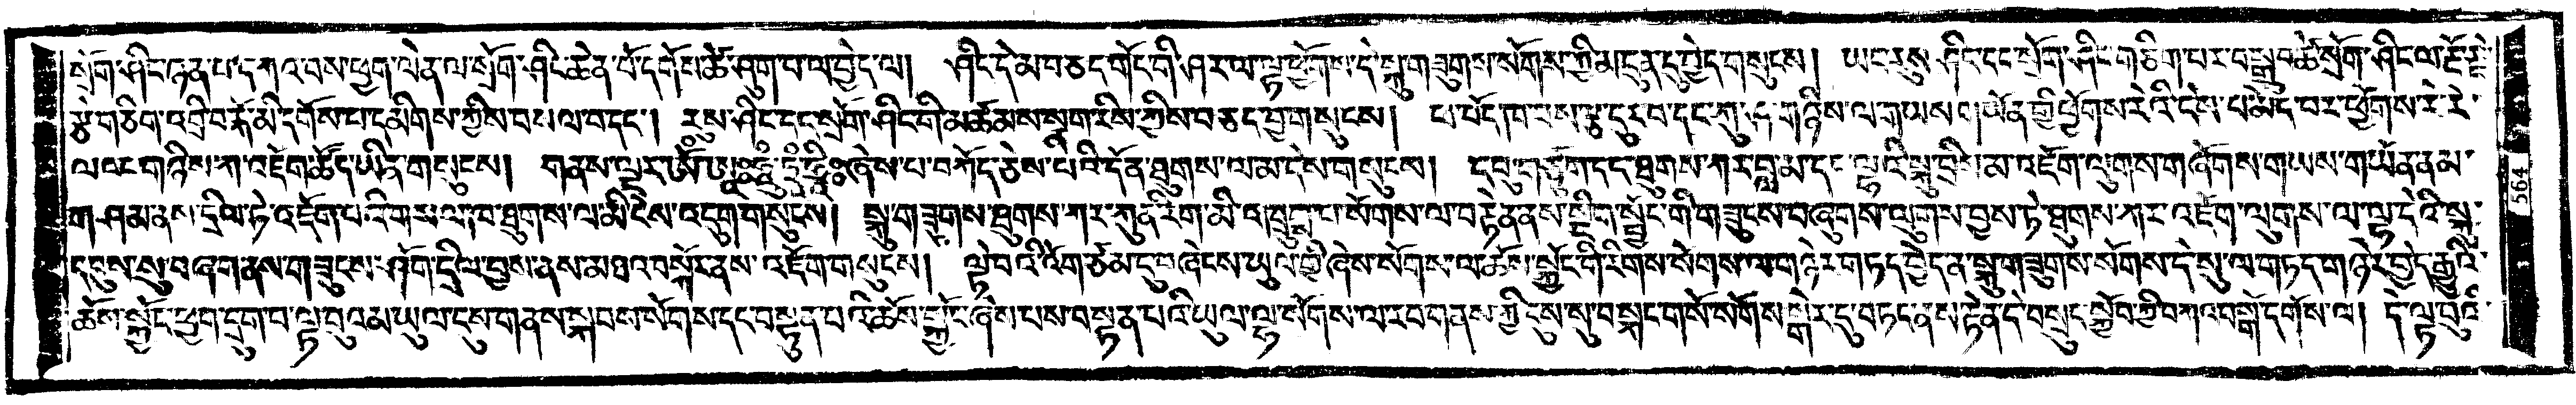སྲོག་ཤིང་ཉན་པ་དཀའ་བས་ཕྱག་ལེན་ལ་སྲོག་ཤིང་ཆེན་པོ་དགོས་ཚེ་ཤུག་པ་ལ་བྱེད་ལ། ཤིང་དེ་མ་བཅད་གོང་ཤི་ལ་ལྷ་ཕྱོགས་དེ་སྐུ་གཟུགས་སོགས་ཀྱི་མདུན་དུ་བྱེད་གསུངས། ཡང་རུས་ཤིང་དང་སྲོག་ཤིག་གཅིག་པར་བསྒྲུབ་ཚེ་སྲོག་ཤིང་ལ་རྡོ་རྗེ་
རྩེ་གཅིག་འབྲི་བ་རྐོ་མི་དགོས་པ་དམིགས་ཀྱིས་བསལ་བ་དང་། རུས་ཤིང་དང་སྲོག་ཤིང་གི་མཚམས་སྣག་རིས་ཀྱིས་བཅད་བྱ་གསུངས། པ་བོང་ཁ་བས་རྩ་དུང་ཀུ་ཤ་གཉིས་ལ་གཡས་གཡོན་གྱི་ཕྱོགས་རེའི་དེས་པ་མེད་པར་ཕྱུགས་རེ་རེ་
ལའང་གཉིས་ཀ་འཇོག་ཚོད་ཡིན་གསུངས། གནས་ལྔར་ཨོཾ་ཨཱཿ ཧཱུཾ་ཧྲཱུཾ་ཧྲཱིཿ ཞེས་པ་བཀོད་ཅེས་པའི་དོན་ཐུགས་ལམ་དེས་གསུངས། དབུ་གཙུག་དད་ཐུགས་ཀར་བླ་མ་དང་ལྷའི་སྐུ་བྲིས་མ་འཇོག་ལུགས་གཞོགས་གཡས་གཡོན་ནམ་
གཤམ་ནས་དྲིལ་ཏེ་འཇོག་པའི་གསལ་ཁ་ཐུགས་ལ་མི་ངེས་འདུག་གསུངས། སྐུ་གཟུགས་ཐུགས་ཀར་ཀུན་རིག་མི་འཁྲུགས་པ་སོགས་ལ་བརྟེན་ནས་སྡིག་སྦྱོང་གི་གསུངས་བཞུགས་ལུགས་བྱས་ཏེ་ཐུགས་ཀར་འཇོག་ལུགས་ལ་ལྷ་དེའི་སྐུ་
དབུས་སུ་བཞག་ནས་གཟུངས་ཤོག་དྲིལ་བྱས་ནས་མཐའ་བསྐོར་ནས་འཇོག་གསུངས། ལྟེ་བའི་འོག་ཙམ་དུ་བཞེངས་ཡུལ་གྱི་ཞེས་སོགས་ལ་ཆོས་སྐྱོང་གི་རིགས་སེགས་ལ་གཉེར་གཏད་བྱེད་ན་སྐུ་གཟུགས་སོགས་དེ་སུ་ལ་བཏད་གཉེར་བྱེད་རྒྱུའི་
ཆོས་སྐྱོང་ཕྱག་དྲུག་བ་ལྟ་བུའམ་ཡུལ་དུས་གནས་སྐབས་སོགས་དང་བསྟུན་པའི་ཆོས་སྐྱོང་ཞེས་པས་བསྟན་པའི་ཡུལ་ལྟ་སོགས་ལ་རབ་གནས་ཀྱི་དུས་བསྐང་གསོ་སོགས་སྒེར་དུ་བཏང་ནས་རྟེན་དེ་བསྲུང་སྐྱོབ་ཀྱི་བཀའ་བསྒོ་དགོས་ལ། དེ་ལྟར་